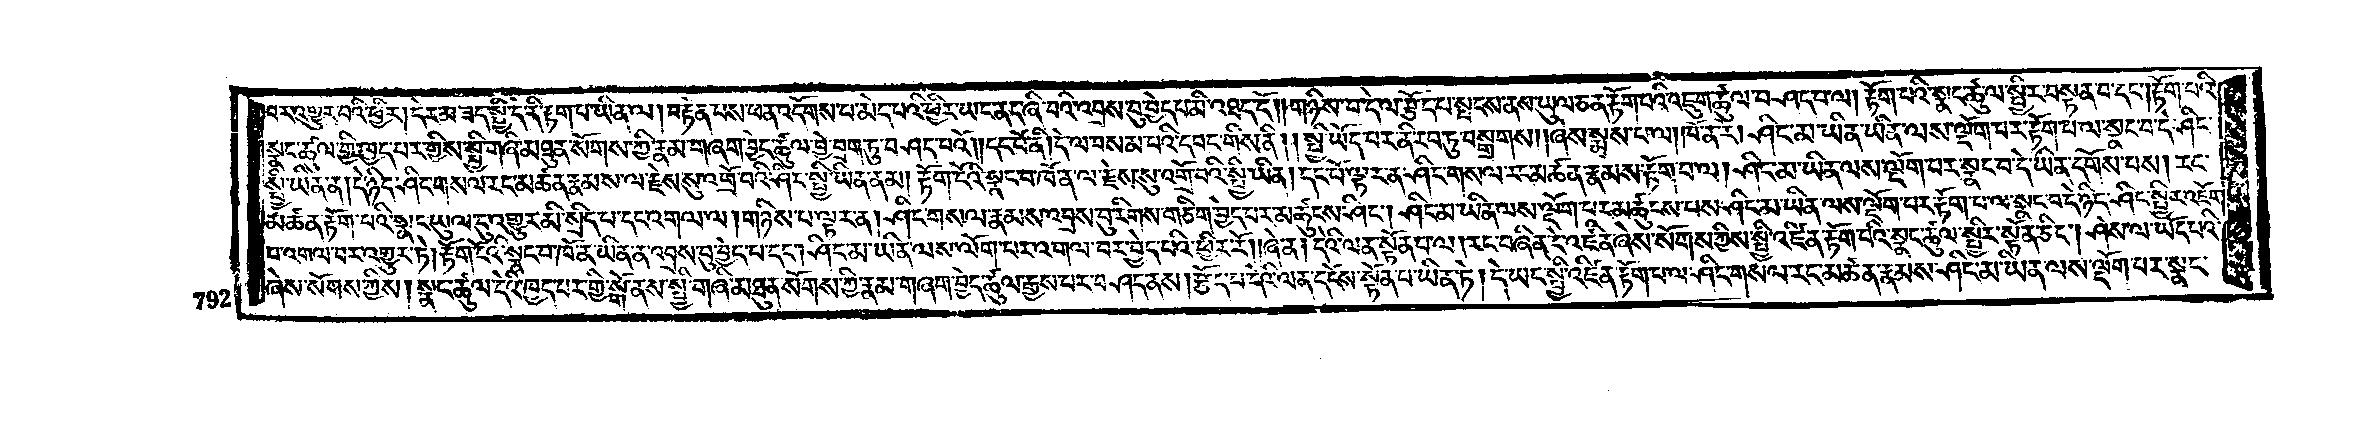བར་འགྱུར་བའི་ཕྱིར། དེར་མ་ཟད་སྤྱི་དེ་ནི་རྟག་པ་ཡིན་ལ། བརྟེན་པས་ཕན་འདོགས་པ་མེད་པའི་ཕྱིར་ཡང་ནད་ཞི་བའི་འབྲས་བུ་བྱེད་པ་མི་འཐད་དོ། །གཉིས་པ་དེ་ལ་རྩོད་པ་སྤངས་ནས་ཡུལ་ཅན་རྟོག་པའི་འཇུག་ཚུལ་བཤད་པ་ལ། རྟོག་པའི་སྣང་ཚུལ་སྤྱིར་བསྟན་པ་དང་། རྟོག་པའི་
སྣང་ཚུལ་གྱི་ཁྱད་པར་གྱིས་སྤྱི་གཞི་མཐུན་སོགས་ཀྱི་རྣམ་གཞག་བྱེད་ཚུལ་བྱེ་བྲག་ཏུ་བཤད་པའོ། །དང་པོ་ནི། དེ་ལ་བསམ་པའི་དབང་གིས་ནི། །སྤྱི་ཡོད་པར་ནི་རབ་ཏུ་བསྒྲགས། །ཞེས་སྨྲས་པ་ལ། ཁོ་ན་རེ། ཤིང་མ་ཡིན་ཡིན་ལས་ལྡོག་པར་རྟོག་པ་ལ་སྣང་བ་དེ་ཤིང་
སྤྱི་ཡིན་ན། དེ་ཉིད་ཤིང་གསལ་རང་མཚན་རྣམས་ལ་རྗེས་སུ་འགྲོ་བའི་ཤིང་སྤྱི་ཡིན་ནམ། རྟོག་ངོའི་སྣང་བ་ཁོ་ན་ལ་རྗེས་སུ་འགྲོ་བའི་སྤྱི་ཡིན། དང་པོ་ལྟར་ན་ཤིང་གསལ་རང་མཚན་རྣམས་རྟོག་པ་ལ། ཤིང་མ་ཡིན་ལས་ལྡོག་པར་སྣང་བ་དེ་ཡིན་དགོས་པས། རང་
མཚན་རྟོག་པའི་སྣང་ཡུལ་དུ་འགྱུར་མི་སྲིད་པ་དང་འགལ་ལ། གཉིས་པ་ལྟར་ན། ཤིང་གསལ་རྣམས་འབྲས་བུ་རིགས་གཅིག་བྱེད་པར་མཚུངས་ཤིང་། ཤིང་མ་ཡིན་ལས་ལྡོག་པར་མཚུངས་པས་ཤིང་མ་ཡིན་ལས་ལྡོག་པར་རྟོག་པ་ལ་སྣང་བ་དེ་ཉིད་ཤིང་སྤྱིར་འཇོག་
པ་འགལ་བར་འགྱུར་ཏེ། རྟོག་ངོའི་སྣང་བ་ཁོ་ན་ཡིན་ན་འབྲས་བུ་བྱེད་པ་དང་། ཤིང་མ་ཡིན་ལས་ལོག་པར་འགལ་བར་བྱེད་པའི་ཕྱིར་རོ། །ཞེ་ན། དེའི་ལན་སྟོན་པ་ལ། རང་བཞིན་དེ་འཛིན་ཞེས་སོགས་ཀྱིས་སྤྱི་འཛིན་རྟོག་པའི་སྣང་ཚུལ་སྤྱིར་སྟོན་ཅིང་། ཤེས་ལ་ཡོད་པའི་
ཞེས་སོགས་ཀྱིས། སྣང་ཚུལ་དེའི་ཁྱད་པར་གྱི་སྒོ་ནས་སྤྱི་གཞི་མཐུན་སོགས་ཀྱི་རྣམ་གཞག་བྱེད་ཚུལ་རྒྱས་པར་བཤད་ནས། རྩོད་པ་དེའི་ལན་དངོས་སྟོན་པ་ཡིན་ཏེ། དེ་ཡང་སྤྱི་འཛིན་རྟོག་པ་ལ་ཤིང་གསལ་རང་མཚན་རྣམས་ཤིང་མ་ཡིན་ལས་ལྡོག་པར་སྣང་